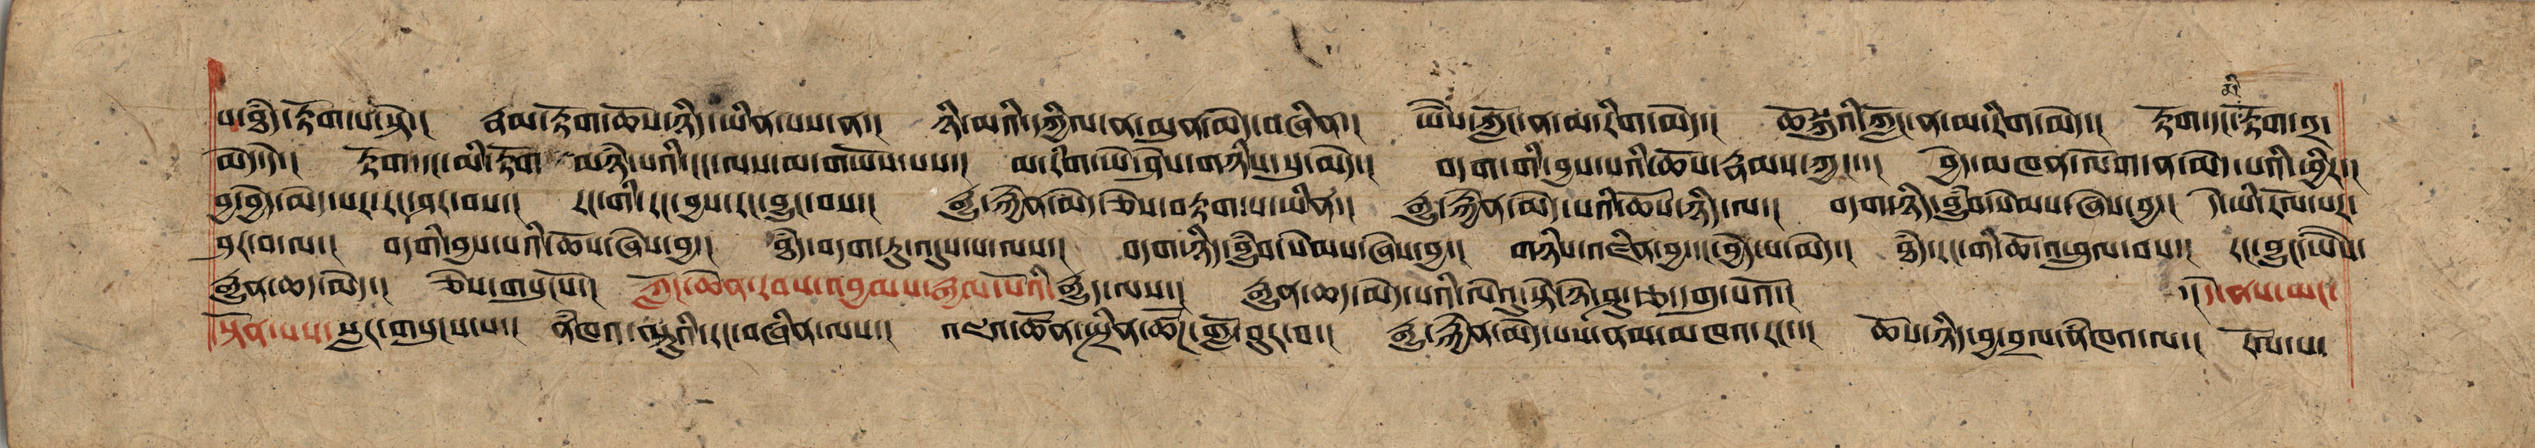པ་ཐཾད་རྟོག་པ་སྟེ་། རྣམ་རྟོག་ཆོས་ཉིད་ཡིན་པས་ན་། ཉི་མའི་དཀྱིལ་ན་མུན་མེད་བཞིན་། ཡཻས་ཀློང་ན་མ་རིག་མེད་། ཆོསྐུའི་ཀློང་ན་མ་རིག་མེད་། རྟོག་དང་རྟོག་༢་
མེད་དེ་། རྟོག་དང་མི་རྟོག་མཉཾ་པའི་ངང་ལས་མ་གཡོས་པས་། མ་རིག་ཡེ་ཤེས་གཉིས་སུ་མེད་། བདག་གི་བྱས་པའི་ཆོས་རྣམས་ཀྱང་་། བྱེད་མཁན་ལོག་ན་མེད་པའི་ཕྱིར་།
བྱ་བྱེད་མེད་པར་རང་ཤར་བས་། རང་གི་རང་བྱས་རང་བྱུང་བས་། རྒྱུ་རྐྱེན་མེད་ཅེས་བརྟག་པ་ཡིན་། རྒྱུ་རྐྱེན་མེད་པའི་ཆོས་ཉིད་ལ་། བདག་ཉིད་བྱུཾབ་སེམས་ཞེས་བྱ་། དེ་ཡི་རོལ་པར་
ཤར་བ་ལ་། བདགི་བྱས་པའི་ཆོས་ཞེས་བྱ་། ཐཾད་བདག་ཏུ་འདུས་པ་ལས་། བདག་ཉིད་བྱུཾབ་སེམས་ཞེས་བྱ་། གཉིས་འཛིན་བྱ་དང་བྱེད་པ་མེད་། ཐཾད་རང་གི་ཆོ་འཕྲུལ་བས་། རང་བྱུང་ཡཻས་
རྒྱུན་ཆད་མེད་། ཅེས་གསུངསོ་། ཀློང་ཆེན་རབ་འབྱམས་རྒྱལ་པོའི་རྒྱུད་ལས་། རྒྱུན་ཆད་མེད་པའི་ལེའུ་སྟེ་ཉེ་ཤུ་རྩ་དགུ་པའོ་། ་།དེ་ནས་ཡང་
སྟོན་པས་སླར་གསུངས་པ་། ནཾཁའ་ལྟུའི་རང་བཞིན་ལས་། འཇའ་ཚོན་སྤྲིན་ཚོཌ་གློ་བུར་བ་། རྒྱུ་རྐྱེན་མེད་པས་ནམ་མཁའ་རང་་། ཆོས་ཉིད་བྱ་བྲལ་ནཾཁའ་ལ་། རོལ་པ་